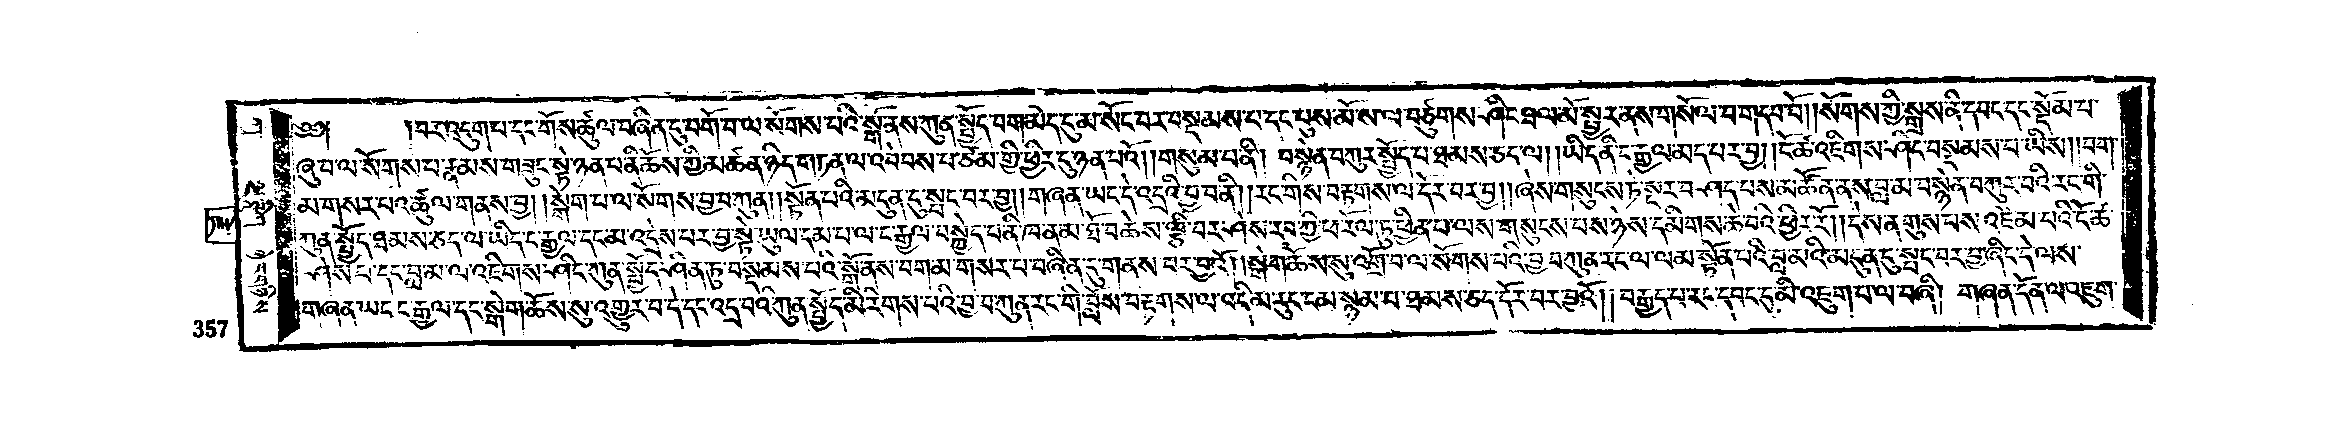༄༅། །བར་འདུག་པ་དང་གོས་ཚུལ་བཞིན་དུ་བགོ་བ་ལ་སོགས་པའི་སྒོ་ནས་ཀུན་སྤྱོད་བག་མེད་དུ་མ་སོང་བར་བསྡམས་པ་དང་པུས་མོ་ས་ལ་བཙུགས་ཤིང་ཐལ་མོ་སྤྱར་ནས་གསོལ་བ་གདབ་བོ། །སོགས་ཀྱི་སྒྲས་ནི་དབང་དང་སྡོམ་པ་
ཞུ་བ་ལ་སོགས་པ་རྣམས་གཟུང་སྟེ་ཉན་པ་ནི་ཆོས་ཀྱི་མཚན་ཉིད་གཏན་ལ་འབེབས་པ་ཙམ་གྱི་ཕྱིར་དུ་ཉན་པའོ། །གསུམ་པ་ནི། བསྙེན་བཀུར་སྤྱོད་པ་ཐམས་ཅད་ལ། །ཡིད་ནི་ང་རྒྱལ་མད་པར་བྱ། །ངོ་ཚ་འཇིགས་ཤིང་བསྡམས་པ་ཡིས། །བག་
མ་གསར་པའི་ཚུལ་གནས་བྱ། །སྒེག་པ་ལ་སོགས་བྱ་བ་ཀུན། །སྟོན་པའི་མདུན་དུ་སྤང་བར་བྱ། །གཞན་ཡང་དེ་འདྲའི་བྱ་བ་ནི། །རང་གིས་བརྟགས་ལ་དོར་བར་བྱ། །ཞེས་གསུངས་ཏེ་སྔར་བཤད་པས་མཚོན་ནས་བླ་མ་བསྙེན་བཀུར་བའི་རང་གི་
ཀུན་སྤྱོད་ཐམས་ཅད་ལ་ཡིད་ང་རྒྱལ་དང་མ་འདྲེས་པར་བྱ་སྟེ་ཡུལ་དམ་པ་ལ་ང་རྒྱལ་བསྐྱེད་པ་ནི་ཁ་ན་མ་ཐོ་བ་ཆེས་ལྕི་བར་ཤེས་རབ་ཀྱི་ཕ་རོལ་ཏུ་ཕྱིན་པ་ལས་གསུངས་པས་ཉེས་དམིགས་ཆེ་བའི་ཕྱིར་རོ། །དེས་ན་གུས་པས་འཛམ་པའི་ངོ་ཚ་
ཤེས་པ་དང་བླ་མ་ལ་འཇིགས་ཤིང་ཀུན་སྤྱོད་ཤིན་ཏུ་བསྡམས་པའི་སྒོ་ནས་བག་མ་གསར་པ་བཞིན་དུ་གནས་པར་བྱའོ། །སྒེག་ཆོས་སུ་འགྲོ་བ་ལ་སོགས་པའི་བྱ་བ་ཀུན་རང་ལ་ལམ་སྟོན་པའི་བླ་མའི་མདུན་དུ་སྤང་བར་བྱ་ཞིང་དེ་ལས་
གཞན་ཡང་ང་རྒྱལ་དང་སྒེག་ཆོས་སུ་འགྱུར་བ་དེ་དང་འདྲ་བའི་ཀུན་སྤྱོད་མི་རིགས་པའི་བྱ་བ་ཀུན་རང་གི་བློས་བརྟགས་ལ་འདི་མ་རུང་ངམ་སྙམ་པ་ཐམས་ཅད་དོར་བར་བྱའོ། །བརྒྱད་པ་རང་དབང་དུ་མི་འཇུག་པ་ལ་བཞི། གཞན་དོན་ལ་འཇུག་